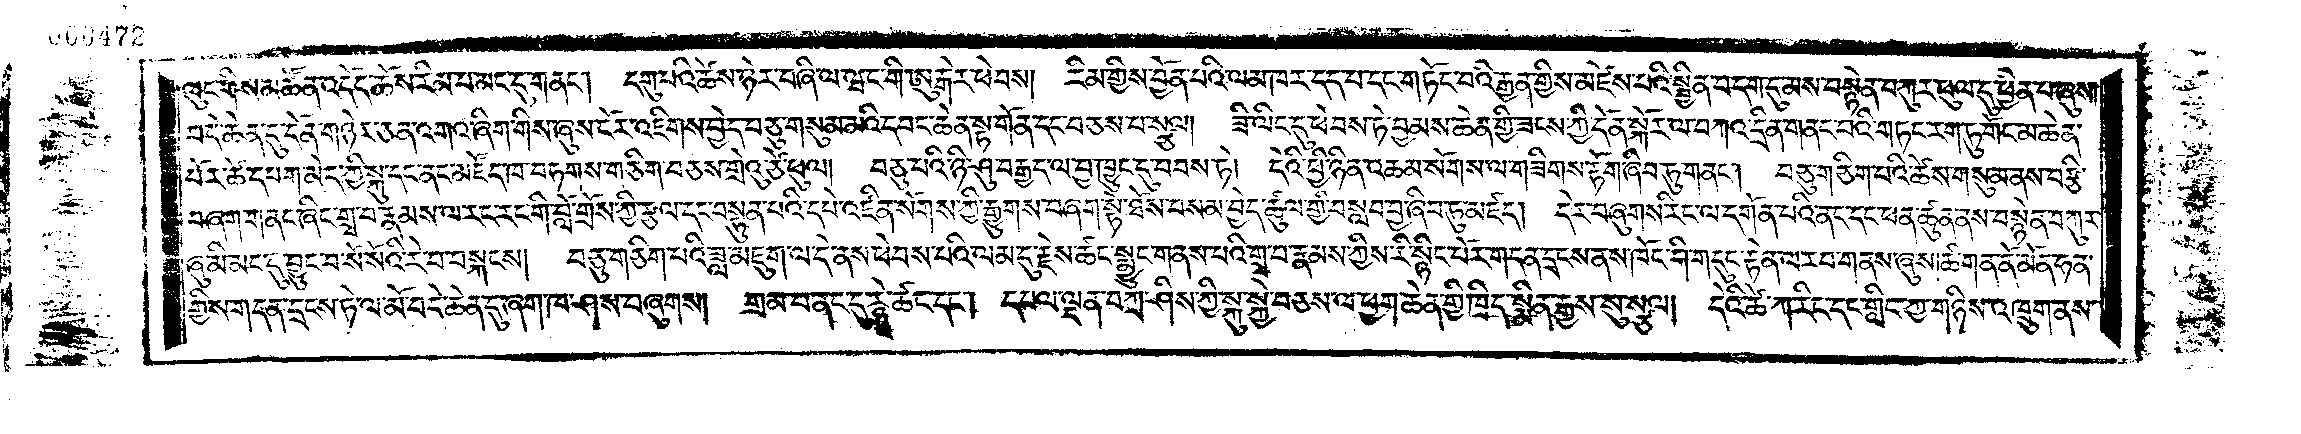ལུང་གིས་མཚོན་འདོད་ཆོས་རིམ་པ་མང་དུ་གནང་། དགུ་པའི་ཚེས་ཉེར་བཞི་ལ་ཝང་གི་ཨུརྒེར་ཕེབས། རིམ་གྱིས་བྱོན་པའི་ལམ་ཁར་དད་པ་དང་གཏོང་བཱ་རྒྱན་གྱིས་མཛེས་པའི་སྦྱིན་བདག་དུ་མས་བསྙེན་བཀུར་ཕུལ་དུ་ཕྱིན་པ་ཞུས།
བདེ་ཆེན་དུ་དོན་གཉེར་ཅན་འགའ་ཞིག་གིས་ཞུས་ངོར་འཇིགས་བྱེད་བཅུ་གསུམ་མའི་དབང་ཆེན་སྟ་གོན་དང་བཅས་པ་སྩལ། ཟི་ལིང་དུ་ཕེབས་ཏེ་བྱམས་ཆེན་གྱི་ཟངས་ཀྱི་དོན་སྐོར་ལ་བཀའ་དྲིན་གནང་བའི་གཏང་རག་ཏུ་གོང་མ་ཆེན་
པོར་ཚེ་དཔག་མེད་ཀྱི་སྐུ་དང་ནང་མཛོད་ཁ་བཏགས་གཅིག་བཅས་གྲེའུ་ཙེ་ཕུལ། བཅུ་པའི་ཉི་ཤུ་བརྒྱད་ལ་བྱ་ཁྱུང་དུ་བབས་ཏེ། དེའི་ཕྱི་ཉིན་འཆམ་སོགས་ལ་གཟིགས་རྟོག་ཞིབ་ཏུ་གནང་། བཅུ་གཅིག་པའི་ཚེས་གསུམ་ནས་བརྩི་
བཞག་གནང་ཞིང་གྲྭ་བ་རྣམས་ལ་རང་རང་གི་བློ་གྲོས་ཀྱི་རྩལ་དང་བསྟུན་པའི་དཔེ་འཛིན་སོགས་ཀྱི་རྒྱུགས་བཞག་སྟེ་ཐོས་བསམ་བྱེད་ཚུལ་གྱི་བསླབ་བྱ་ཞིབ་ཏུ་མཛད། དེར་བཞུགས་རིང་ལ་དགོན་པའི་ནང་དང་ཕན་ཚུན་ནས་བསྙེན་བཀུར་
ཞུ་མི་མང་དུ་བྱུང་བ་སོ་སོའི་རེ་བ་བསྐངས། བཅུ་གཅིག་པའི་ཟླ་མཇུག་ལ་དེ་ནས་ཕེབས་པའི་ལམ་དུ་རྗེས་ཚང་སྨྱུང་གནས་པའི་གྲྭ་བ་རྣམས་ཀྱིས་རི་སྙིང་པོར་གདན་དྲངས་ནས་ཁོང་གི་གདུང་རྟེན་ལ་རབ་གནས་ཞུས། ཚ་གན་ནོ་མོན་ཧན་
གྱིས་གདན་དྲངས་ཏེ་ལ་མོ་བདེ་ཆེན་དུ་ཞག་ཁ་ཤས་བཞུགས། གྲམ་པ་ནང་དུ་རཉE་ཚང་དང་། དཔལ་ལྡན་བཀྲ་ཤིས་ཀྱི་སྐུ་སྐྱེ་བཅས་ལ་ཕྱག་ཆེན་གྱི་ཁྲིད་སྨིན་རྒྱས་སུ་སྩལ། དེའི་ཚེ་ཀ་རིང་དང་གླིང་ཀྱ་གཉིས་འཁྲུག་ནས་